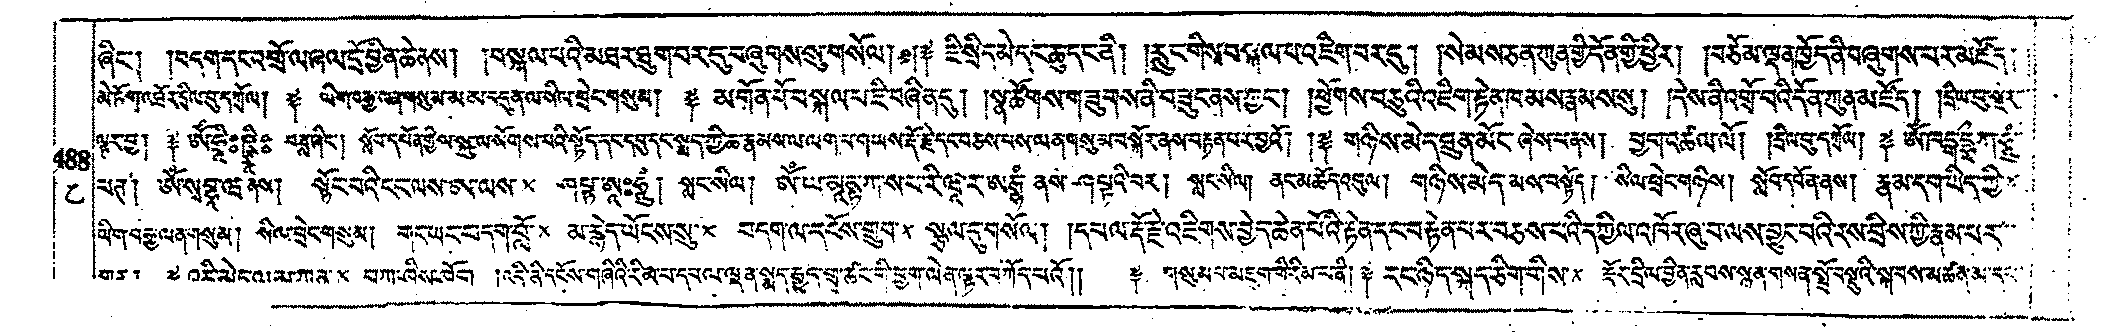ཞིང་། །བདག་དང་འགྲོ་ལ་ཞལ་དྲོ་བྱིན་ཆེ་ནས། །བསྐལ་པའི་མཐར་ཐུག་བར་དུ་བཞུགས་སུ་གསོལ། །འ་ཇི་སྲིད་མེ་དང་ཆུ་དང་ནི། །རླུང་གིས་བསྐལ་པ་འཇིགས་བར་དུ། །སེམས་ཅན་ཀུན་གྱི་དོན་གྱི་ཕྱིར། །བཅོམ་ལྡན་ཁྱོད་ནི་བཞུགས་པར་མཛོད། །
མེ་ཏོག་འཐོར་དྲིལ་བུ་དཀྲོལ། འ་ཡིག་བརྒྱ་ལན་གསུམ་མམ་བདུན་ལ་སིལ་ཕྲེང་གསུམ།  འ་མགོན་པོ་བསྐལ་པ་ཇི་བཞིན་དུ། །སྣ་ཚོགས་གཟུགས་ནི་བཟུང་ནས་ཀྱང་། །ཕྱོགས་བཅུའི་འཇིགས་རྟེན་ཁམས་རྣམས་སུ། །དེས་ནི་འགྲོ་བའི་དོན་ཀུན་མཛོད། །དྲིལ་བུ་སྔར་
ལྟར་བྱ། འ་ཨོཾ་ཧྲཱིཿཥྜཱིཿ བཟླ་ཞིང་། སློབ་དཔོན་གྱིས་སྐུ་ལ་སོགས་པའི་སྟོད་དང་དབུ་དང་སྨད་ཀྱི་ཆ་རྣམས་ལ་ལག་པ་གཡས་རྡོ་རྗེ་དང་བཅས་པས་ལན་གསུམ་བསྐོར་ནས་བརྟན་པར་བྱའོ།  །འ་གཉིས་མེད་ཐུན་མོངས་ཞེས་པ་ནས།  ཕྱག་འཚལ་ནོ། །དྲིལ་བུ་དཀྲོལ། འ་ཨོཾ་ཁངྒ་དྷྲྀ་ཀ་ཧཱུཾ་
ཕཌ། ཨོཾ་སྭབྷཱ་ཝ་ནས། སྟོང་པའི་ངང་ལས་ཨ་ལས་ཤཔྟ་ཨཱཿཧཱུཾ། སླང་སིལ། ཨོཾ་ཡ་མཱནྟ་ཀ་ས་པ་རི་ཝཱ་ར་ཨརྒྷཾ་ནས་ཤྤྟའི་བར། སླང་སིལ། ནང་མཆོད་འབུལ།  གཉིས་མེད་མས་བསྟོད། སིལ་ཕྲེང་གཉིས། སློབ་དཔོན་ནས།  རྣམ་དག་ཡིད་ཀྱི་྾་
ཡིག་བརྒྱ་ལན་གསུམ། སིལ་ཕྲེང་གསུམ།  གང་ཡང་བདག་བློ་྾་མ་རྙེད་ཡོངས་སུ་྾་བདག་ལ་དངོས་གྲུབ་྾་སྩལ་དུ་གསོལ། །དཔལ་རྡོ་རྗེ་འཇིགས་བྱེད་ཆེན་པོའི་རྟེན་དང་བརྟེན་པར་བཅས་པའི་ཀྱིལ་འཁོར་ཞུ་བ་ལས་བྱུང་བའི་རས་བྲིས་ཀྱི་རྣམ་པར་
གར། འ་འཆི་མེད་ལམ་ཀུན་྾་བཀྲ་ཤིས་ཤོག་།འདི་ནི་དངོས་གཞིའི་རྨ་པ་དཔལ་ལྡན་སྨད་རྒྱུད་གྲྭ་ཚང་གི་ཕྱག་ལེན་ལྟར་བཀོད་པའོ། ། འ་གསུམ་པ་མཇུག་གི་རིམ་པ་ནི།  འ་རང་ཉིད་སྐད་ཅིག་གིས་྾་རྡོར་དྲིལ་བྱིན་རླབས་སྙན་གསན་སྤྲོ་བསྡུའི་སྐབས་མཚན་མ་དང་